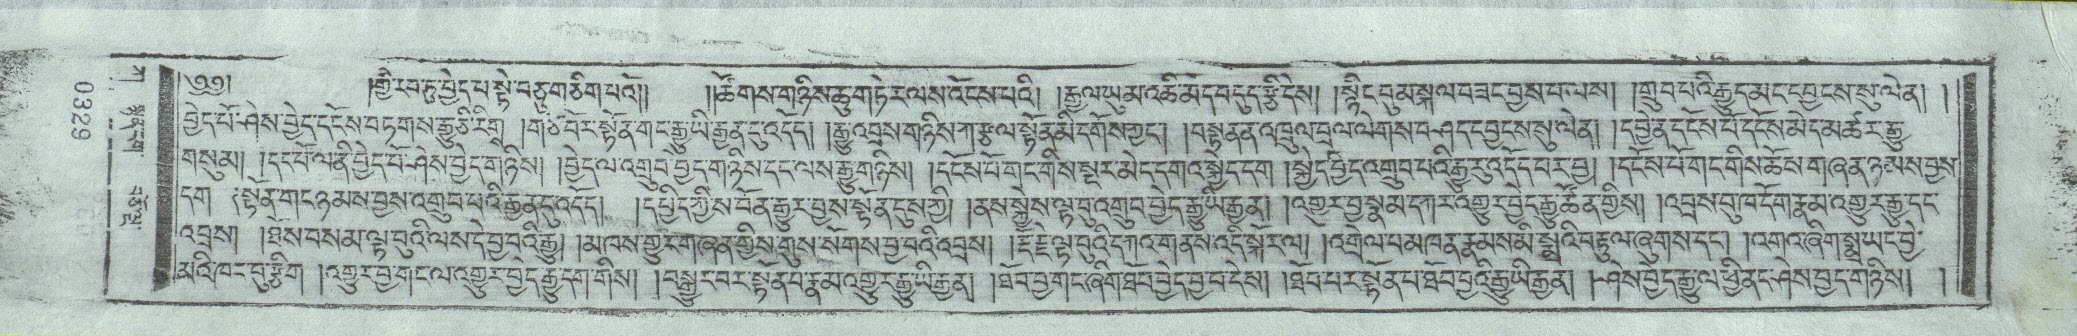༄༅། །གྱི་རབ་ཏུ་བྱེད་པ་སྟེ་བཅུ་གཅིག་པའོ།། །།ཚོགས་གཉིས་ཆུ་གཏེར་ལས་འོངས་པའི། །རྒྱལ་ཡུམ་འཆི་མེད་བདུད་གྱི་དེས། །སྙིང་བུམ་སྐལ་བཟང་བྱས་བ་ལས། །གྲུབ་པའི་རྒྱུད་མང་དབྱངས་སུ་ལེན། །
བྱེད་པོ་ཤེས་བྱེད་དངོས་བཏགས་རྒྱུ་ཅི་རིག །གཟོ་བོར་སྟོན་གང་རྒྱུ་ཡི་རྒྱན་དུ་འདོད། །རྒྱུ་འབྲས་གཉིས་ཀ་རྩལ་སྟོན་མི་དགོས་ཀྱང་། །བསྟན་ན་འཁྲུལ་བྲལ་ལེགས་བཤད་དབྱངས་སུ་ལེན། །དབྱེན་དངོས་པོ་དངོས་མེད་མཚར་རྒྱུ་
གསུམ། །དང་པོ་ལ་ནི་བྱེད་པོ་ཤེས་བྱེད་གཉིས། །བྱེད་ལ་འགྲུབ་བྱེད་གཉིས་དང་ལས་རྒྱུ་གཉིས། །དངོས་པོ་གང་གིས་སྔར་མེད་དགའ་སྐྱེད་དག །སྐྱེད་བྱེད་འགྲུབ་པའི་རྒྱུ་རུ་འདོད་པར་བྱ། །དངོས་པོ་གང་གིས་ཆོས་གཞན་ཉམས་བྱས་
དག །སྟོན་གང་ཉམས་བྱས་འགྲུབ་པའི་རྒྱན་དུ་འདོད། །དཔྱིད་ཀྱིས་བོན་རྒྱུར་བྱས་སྟོན་དུས་ཀྱི། །ནས་སྐྱེས་ལྟ་བུ་འགྲུབ་བྱེད་རྒྱུ་ཡི་རྒྱན། །འགྱུར་བྱ་སྣམ་དཀར་འགྱུར་བྱེད་རྒྱུ་ཚོན་གྱིས། །འབྲས་བུ་ཁ་དོག་རྣམ་འགྱུར་རྒྱུ་དང་
འབྲས། །ཐོས་བསམ་ལྟ་བུའི་ལས་དེ་བྱའི་རྒྱུ། །མཁས་གྱུར་གཞན་གྱིས་གུས་སོགས་བྱ་བའི་འབྲས། །རྡོ་རྗེ་ལྟ་བུའི་དཀའ་གནས་འདི་སྐོར་ལ། །འགྲེལ་པ་མཁན་རྣམས་མི་སྨྲའི་བརྟུལ་ཞུགས་དང་། །འགའ་ཞིག་སྨྲ་ཡང་བྱེ་
མའི་ཁང་བུ་རྩི། །འགྱུར་བྱ་གང་ལ་འགྱུར་བྱེད་རྒྱུ་དག་གིས། །བསྒྱུར་བར་སྟོན་པ་རྣམ་འགྱུར་རྒྱུ་ཡི་རྒྱན། །ཐོབ་བྱ་གང་ཞིག་ཐོབ་བྱེད་བྱ་བ་དེས། །ཐོབ་པར་སྟོན་པ་ཐོབ་བྱའི་རྒྱུ་ཡི་རྒྱན། །ཤེས་བྱེད་རྒྱུ་ལ་ཕྱི་ནང་ཤེས་བྱད་གཉིས། །